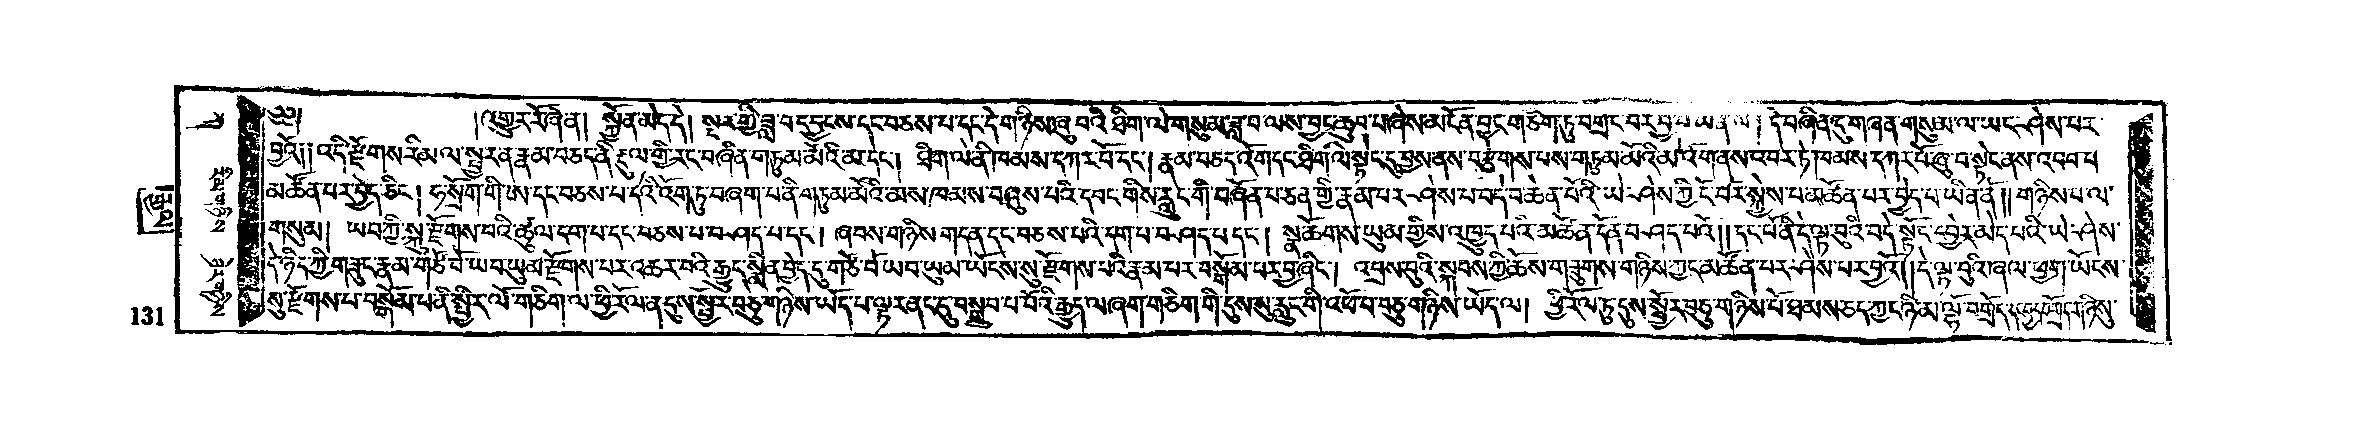༄༅། །འགྱུར་རོ་ཞེ་ན། སྐྱོན་མེད་དེ། སྔར་གྱི་ཟླ་བ་དབྱངས་དང་བཅས་པ་དང་དེ་གཉིས་ཞུ་བའི་ཐིག་ལེ་གསུམ་ཟླ་བ་ལས་བྱང་ཆུབ་པ་ཞེས་མངོན་བྱང་གཅིག་ཏུ་བགྲང་བར་བྱ་བ་ཡིན་ལ། དེ་བཞིན་དུ་གཞན་གསུམ་ལ་ཡང་ཤེས་པར་
བྱའོ། །འདི་རྫོགས་རིམ་ལ་སྦྱར་ན་རྣམ་བཅད་ནི་རྡུལ་གྱི་རང་བཞིན་གཏུམ་མོའི་མ་དང་། ཐིག་ལེ་ནི་ཁམས་དཀར་པོ་དང་། རྣམ་བཅད་འོག་དང་ཐིག་ལེ་སྟེང་དུ་བྱས་ནས་བརྩེགས་པས་གཏུམ་མོའི་མེ་འོག་ནས་འབར་ཏེ་ཁམས་དཀར་པོ་ཞུ་བ་སྟེང་ནས་འབབ་པ་
མཚོན་པར་བྱེད་ཅིང་། ཧ་སྲོག་གི་ཨ་དང་བཅས་པ་དེའི་འོག་ཏུ་བཞག་པ་ནི་གཏུམ་མོའི་མས་ཁམས་བཞུས་པའི་དབང་གིས་རླུང་གི་བཞིན་པ་ཅན་གྱི་རྣམ་པར་ཤེས་པ་བདེ་བ་ཆེན་པོའི་ཡེ་ཤེས་ཀྱི་ངོ་བོར་སྐྱེས་པ་མཚོན་པར་བྱེད་པ་ཡིན་ནོ། །གཉིས་པ་ལ་
གསུམ། ཡབ་ཀྱི་སྐུ་རྫོགས་པའི་ཚུལ་དག་པ་དང་བཅས་པ་བཤད་པ་དང་། ཞབས་གཉིས་གདན་དང་བཅས་པའི་དག་པ་བཤད་པ་དང་། སྣ་ཚོགས་ཡུམ་གྱིས་འཁྱུད་པའི་མཚོན་དོན་བཤད་པའོ། །དང་པོ་ནི་དེ་ལྟ་བུའི་བདེ་སྟོང་དབྱེར་མེད་པའི་ཡེ་ཤེས་
དེ་ཉིད་ཀྱི་གཟུང་རྣམ་གཙོ་བོ་ཡབ་ཡུམ་རྫོགས་པར་འཆར་བའི་རྒྱུད་སྨིན་བྱེད་དུ་གཙོ་བོ་ཡབ་ཡུམ་ཡོངས་སུ་རྫོགས་པའི་རྣམ་པར་བསྒོམ་པར་བྱ་ཞིང་། འབྲས་བུའི་སྐབས་ཀྱི་ཆོས་གཟུགས་གཉིས་ཀྱང་མཚོན་པར་ཤེས་པར་བྱའོ། །དེ་ལྟ་བུའི་ཞལ་ཕྱག་ཡོངས་
སུ་རྫོགས་པ་བསྒོམ་པ་ནི་སྤྱིར་ལོ་གཅིག་ལ་ཕྱི་རོལ་ན་དུས་སྦྱོར་བཅུ་གཉིས་ཡོད་པ་ལྟར་ནང་དུ་བསྒྲུབ་པ་པོའི་རྒྱུད་ལ་ཞག་གཅིག་གི་དུས་སུ་རླུང་གི་འཕོ་བ་བཅུ་གཉིས་ཡོད་ལ། ཕྱི་རོལ་ཏུ་དུས་སྦྱོར་བཅུ་གཉིས་པོ་ཐམས་ཅད་ཀྱང་ཉི་མ་ལྷོ་བགྲོད་དང་བྱང་བགྲོད་གཉིས་སུ་